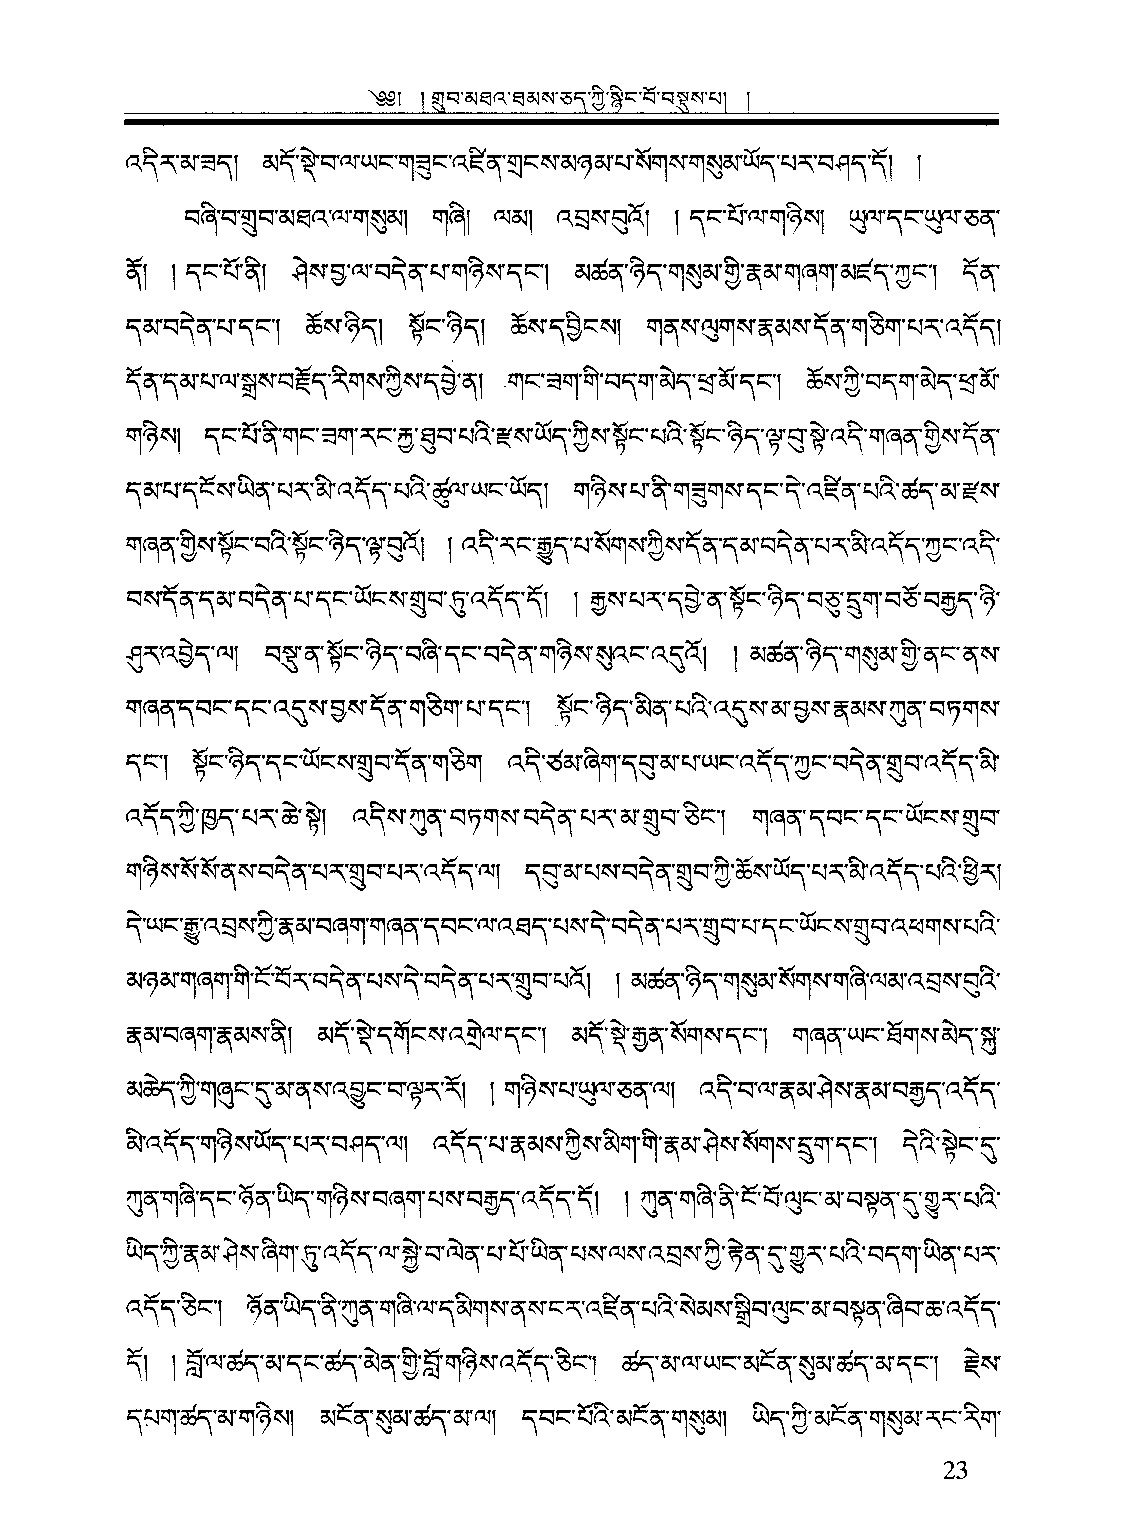འདིར་མ་ཟད། མདོ་སྡེ་བ་ལ་ཡང་གཟུང་འཛིན་གྲངས་མཉམ་པ་སོགས་གསུམ་ཡོད་པར་བཤད་དོ། །
བཞི་བ་གྲུབ་མཐའ་ལ་གསུམ། གཞི། ལམ། འབྲས་བུའོ། །དང་པོ་ལ་གཉིས། ཡུལ་དང་ཡུལ་ཅན་
ནོ། །དང་པོ་ནི། ཤེས་བྱ་ལ་བདེན་པ་གཉིས་དང་། མཚན་ཉིད་གསུམ་གྱི་རྣམ་གཞག་མཛད་ཀྱང་། དོན་
དམ་བདེན་པ་དང་། ཆོས་ཉིད། སྟོང་ཉིད། ཆོས་དབྱིངས། གནས་ལུགས་རྣམས་དོན་གཅིག་པར་འདོད།
དོན་དམ་པ་ལ་སྒྲས་བརྗོད་རིགས་ཀྱིས་དབྱེ་ན། གང་ཟག་གི་བདག་མེད་ཕྲ་མོ་དང་། ཆོས་ཀྱི་བདག་མེད་ཕྲ་མོ་
གཉིས། དང་པོ་ནི་གང་ཟག་རང་རྐྱ་ཐུབ་པའི་རྫས་ཡོད་ཀྱིས་སྟོང་པའི་སྟོང་ཉིད་ལྟ་བུ་སྟེ་འདི་གཞན་གྱིས་དོན་
དམ་པ་དངོས་ཡིན་པར་མི་འདོད་པའི་ཚུལ་ཡང་ཡོད། གཉིས་པ་ནི་གཟུགས་དང་དེ་འཛིན་པའི་ཚད་མ་རྫས་
གཞན་གྱིས་སྟོང་བའི་སྟོང་ཉིད་ལྟ་བུའོ། །འདི་རང་རྒྱུད་པ་སོགས་ཀྱིས་དོན་དམ་བདེན་པར་མི་འདོད་ཀྱང་འདི་
བས་དོན་དམ་བདེན་པ་དང་ཡོངས་གྲུབ་ཏུ་འདོད་དོ། །རྒྱས་པར་དབྱེ་ན་སྟོང་ཉིད་བཅུ་དྲུག་བཅོ་བརྒྱད་ཉི་
ཤུར་འབྱེད་ལ། བསྡུ་ན་སྟོང་ཉིད་བཞི་དང་བདེན་གཉིས་སུའང་འདུའོ། །མཚན་ཉིད་གསུམ་གྱི་ནང་ནས་
གཞན་དབང་དང་འདུས་བྱས་དོན་གཅིག་པ་དང་། སྟོང་ཉིད་མིན་པའི་འདུས་མ་བྱས་རྣམས་ཀུན་བཏགས་
དང་། སྟོང་ཉིད་དང་ཡོངས་གྲུབ་དོན་གཅིག་འདི་ཙམ་ཞིག་དབུ་མ་པ་ཡང་འདོད་ཀྱང་བདེན་གྲུབ་འདོད་མི་
འདོད་ཀྱི་ཁྱད་པར་ཆེ་སྟེ། འདིས་ཀུན་བཏགས་བདེན་པར་མ་གྲུབ་ཅིང་། གཞན་དབང་དང་ཡོངས་གྲུབ་
གཉིས་སོ་སོ་ནས་བདེན་པར་གྲུབ་པར་འདོད་ལ། དབུ་མ་པས་བདེན་གྲུབ་ཀྱི་ཆོས་ཡོད་པར་མི་འདོད་པའི་ཕྱིར།
དེ་ཡང་རྒྱུ་འབྲས་ཀྱི་རྣམ་བཞག་གཞན་དབང་ལ་འཐད་པས་དེ་བདེན་པར་གྲུབ་པ་དང་ཡོངས་གྲུབ་འཕགས་པའི་
མཉམ་གཞག་གི་ངོ་བོར་བདེན་པས་དེ་བདེན་པར་གྲུབ་པའོ། །མཚན་ཉིད་གསུམ་སོགས་གཞི་ལམ་འབྲས་བུའི་
རྣམ་བཞག་རྣམས་ནི། མདོ་སྡེ་དགོངས་འགྲེལ་དང་། མདོ་སྡེ་རྒྱན་སོགས་དང་། གཞན་ཡང་ཐོགས་མེད་སྐུ་
མཆེད་ཀྱི་གཞུང་དུ་མ་ནས་འབྱུང་བ་ལྟར་རོ། །གཉིས་པ་ཡུལ་ཅན་ལ། འདི་བ་ལ་རྣམ་ཤེས་རྣམ་བརྒྱད་འདོད་
མི་འདོད་གཉིས་ཡོད་པར་བཤད་ལ། འདོད་པ་རྣམས་ཀྱིས་མིག་གི་རྣམ་ཤེས་སོགས་དྲུག་དང་། དེའི་སྟེང་དུ་
ཀུན་གཞི་དང་ཉོན་ཡིད་གཉིས་བཞག་པས་བརྒྱད་འདོད་དོ། །ཀུན་གཞི་ནི་ངོ་བོ་ལུང་མ་བསྟན་དུ་གྱུར་པའི་
ཡིད་ཀྱི་རྣམ་ཤེས་ཞིག་ཏུ་འདོད་ལ་སྐྱེ་བ་ལེན་པ་པོ་ཡིན་པས་ལས་འབྲས་ཀྱི་རྟེན་དུ་གྱུར་པའི་བདག་ཡིན་པར་
འདོད་ཅིང་། ཉོན་ཡིད་ནི་ཀུན་གཞི་ལ་དམིགས་ནས་ངར་འཛིན་པའི་སེམས་སྒྲིབ་ལུང་མ་བསྟན་ཞིབ་ཆ་འདོད་
དོ། །བློ་ལ་ཚད་མ་དང་ཚད་མེན་གྱི་བློ་གཉིས་འདོད་ཅིང་། ཚད་མ་ལ་ཡང་མངོན་སུམ་ཚད་མ་དང་། རྗེས་
དཔག་ཚད་མ་གཉིས། མངོན་སུམ་ཚད་མ་ལ། དབང་པོའི་མངོན་གསུམ། ཡིད་ཀྱི་མངོན་གསུམ་རང་རིག་